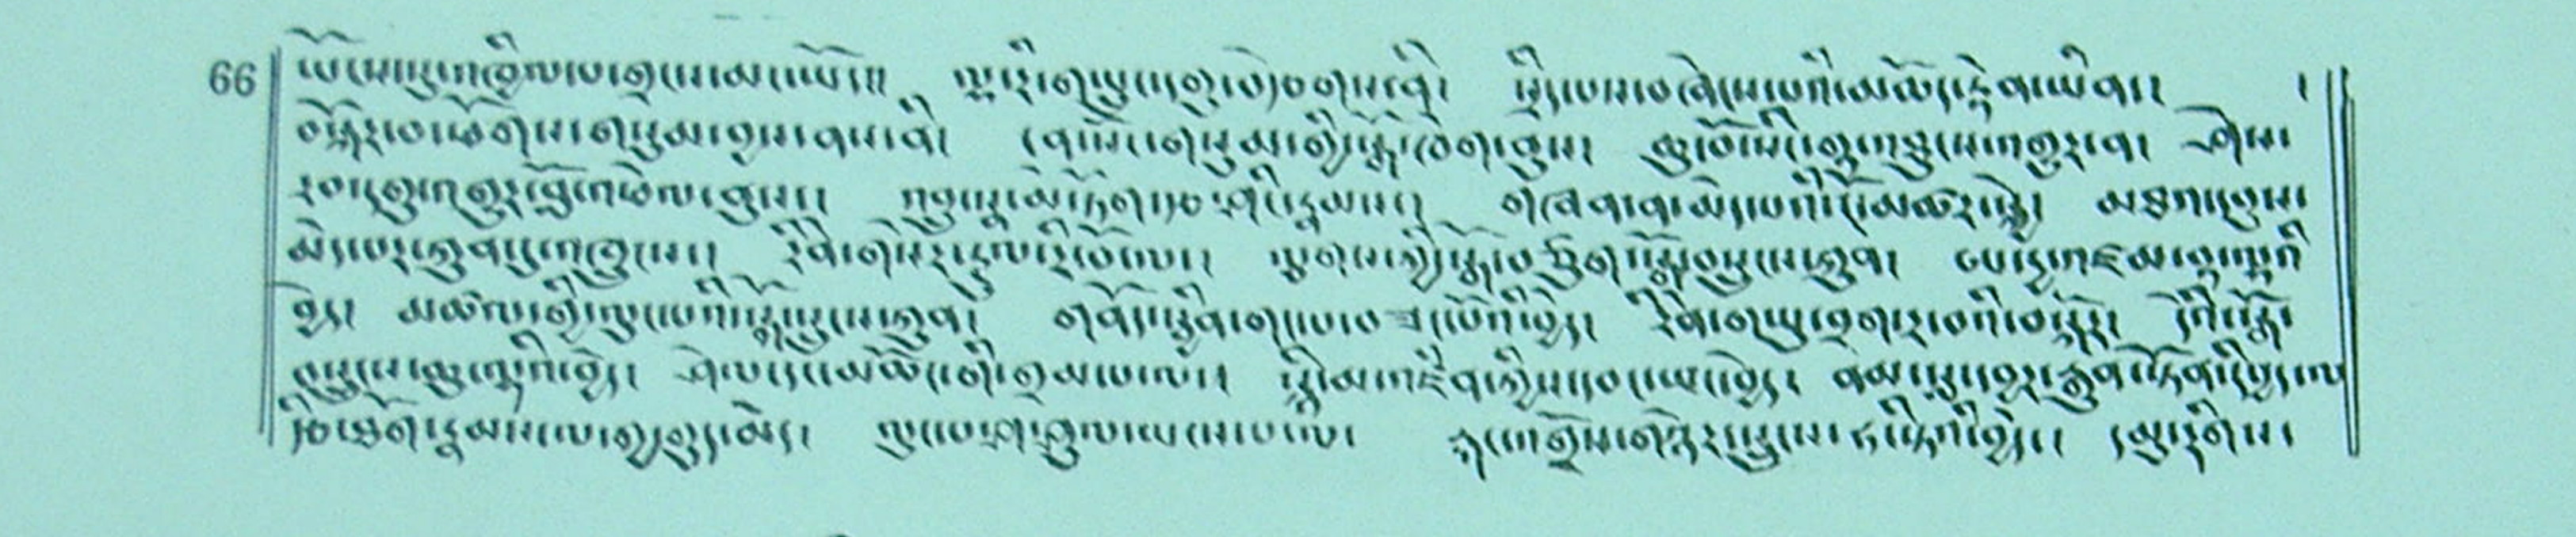ཡོངས་སུ་འཁྱིལ་བ་གྲངས་མང་ཡོད། ལྷ་རི་གཡུང་དྲུང་དགུ་བརྩེགས་ནི༑ སྲིད་པས་བཞེངས་པའི་མཆོད་རྟེན་ཡིན། 
བསྐོར་བ་ཕོགས་གསུམ་བྱས་ནས་ནི། ངན་སོང་གསུམ་གྱི་སྒོ་ཁེག་ནུས། ཆུ་བོ་སེང་གྷ་འཐུང་འགྱུར་ན། ཤེས་
རབ་དགུ་འགྱུར་བློ་འཕེལ་ནུས། འབྲུ་སྣ་མེ་ཏོག་རྩི་ཤིང་རྣམས། གཞན་ན་མེད་པའི་ངོ་མཚར་ཆེ། མཐའ་དབུས་
མེད་པར་ཀུན་ཏུ་འཁྲུངས། རིན་ཆེན་གསེར་དངུལ་རི་བོ་ལ། ལྕགས་ཀྱི་སྒོ་བཙུག་སྒོ་བསྲུངས་རྣམས། ཨ་དྱ་འཛམ་བྷ་ལྷ་ཡིས་
བྱེད། མཚལ་གྱི་ལུང་པའི་སྒོ་བསྲུངས་ཀུན། གནོད་སྦྱིན་གང་བ་བཟང་པོའི་བྱེད། རིན་ཆེན་གཡུའ་བྲག་ར་བས་བསྐོར། དེ་ཡི་སྒོ་
བསྲུང་ཆུ་ལྷའི་བྱེད། ཤེལ་དང་མཆོང་གི་གྲམ་པ་ལ། སྙི་མ་འཛིན་གྱི་དབང་ཡང་བྱེད། ནམ་ཟླ་དབྱར་རྒུན་སྟོན་དཔྱིད་ལ། 
རྩི་ཏོག་རྣམས་ལ་གྱ་གུད་མེད། ལུང་པ་ཤ་ཤུལ་ཡངས་པ་ལ། རྐང་འགྲོས་གཉེར་བསྲུངས་ཧ་སྟིའི་བྱེད། དམུ་རིགས་